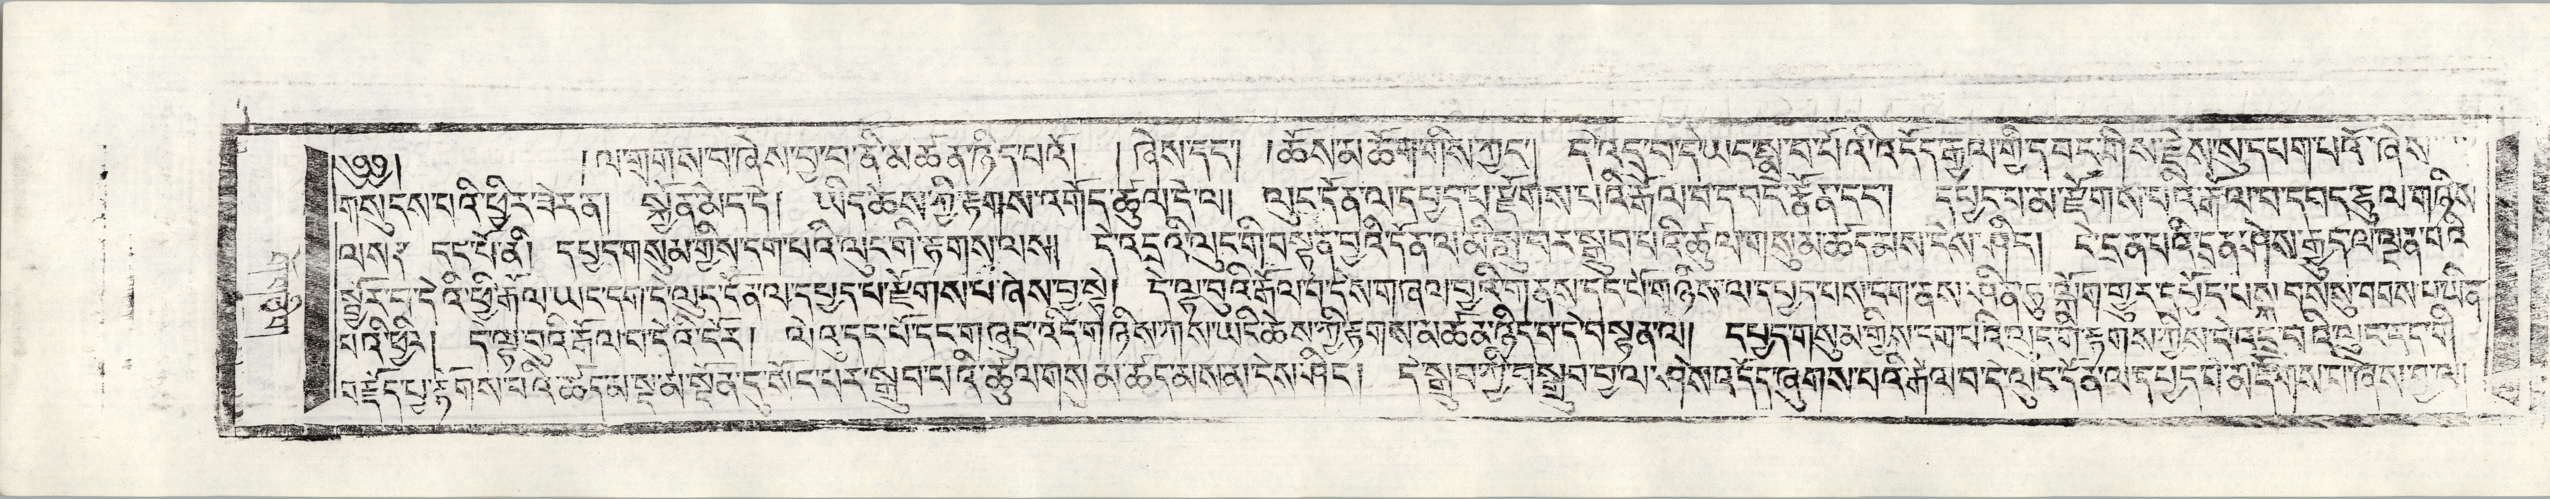༄༅། །ལ་གྲགས་པ་ཞེས་བྱ་བ་ནི་མཚན་ཉིད་པའོ། །ཞེས་དང་། །ཆོས་མཆོག་གིས་ཀྱང་། དེ་འདྲ་བ་དེ་ཡང་སྨྲ་བ་བོའི་འདོད་རྒྱལ་གྱི་དབང་གིས་རྗེས་སུ་དཔག་པའོ། །ཞེས་
གསུངས་པའི་ཕྱིར་ཟེར་ན། སྐྱོན་མེད་དེ། ཡིད་ཆེས་ཀྱི་རྟགས་འགོད་ཚུལ་དེ་ལ། ལུང་དོན་ལ་དཔྱད་པ་རྫོགས་པའི་རྒོལ་བ་དབང་རྣོན་དང་། དཔྱད་པ་མ་རྫོགས་པའི་རྒོལ་བ་དབང་རྟུལ་གཉིས་
ལས། དང་པོ་ནི། དཔྱད་གསུམ་གྱིས་དག་པའི་ལུང་གི་རྟགས་ལས། དེ་འདྲའི་ལུང་གི་བསྟན་བྱའི་དོན་ལ་མི་སླུ་བར་སྒྲུབ་པའི་ཚུལ་གསུམ་ཚད་མས་ངེས་ཤིང་། དེ་དྲན་པའི་དྲན་ཤེས་རྒྱུད་ལ་ལྡན་པའི་
སྦྱོར་བ་དེའི་ཕྱི་རྒོལ་ཡང་དག་དེ་ལུང་དོན་ལ་དཔྱད་པ་རྫོགས་པ་ཞེས་བྱ་སྟེ། དེ་ལྟ་བུའི་རྒོལ་བ་དེས་གཞལ་བྱའི་གནས་དང་པོ་གཉིས་ལ་དཔྱད་པས་དག་ནས་ཤིན་ཏུ་ལྐོག་གྱུར་དཔྱོད་པ་སྐབས་སུ་བབ་པ་ཡིན་
པའི་ཕྱིར། དེ་ལྟ་བུའི་རྒོལ་བ་དེའི་ངོར། ལེའུ་དང་པོ་དང་གཞུང་འདི་གཉིས་ཀས་ཡིད་ཆེས་ཀྱི་རྟགས་མཚན་ཉིད་པ་དེ་བསྟན་ལ། དཔྱད་གསུམ་གྱིས་དག་པའི་ལུང་གི་རྟགས་ཀྱིས་དེ་འདྲ་བའི་ལུང་རང་གི་
བརྗོད་བྱ་རྟོགས་པའི་ཚད་མ་སྔ་མ་སྔོན་དུ་སོང་བར་སྒྲུབ་པའི་ཚུལ་གསུམ་ཚད་མས་མ་ངེས་ཤིང་། དེ་སྒྲུབ་ཀྱི་བསྒྲུབ་བྱ་ལ་ཤེས་འདོད་ཞུགས་པའི་རྒོལ་བ་དེ་ལུང་དོན་ལ་དཔྱད་པ་མ་རྫོགས་པ་ཞེས་བྱ་ལ།